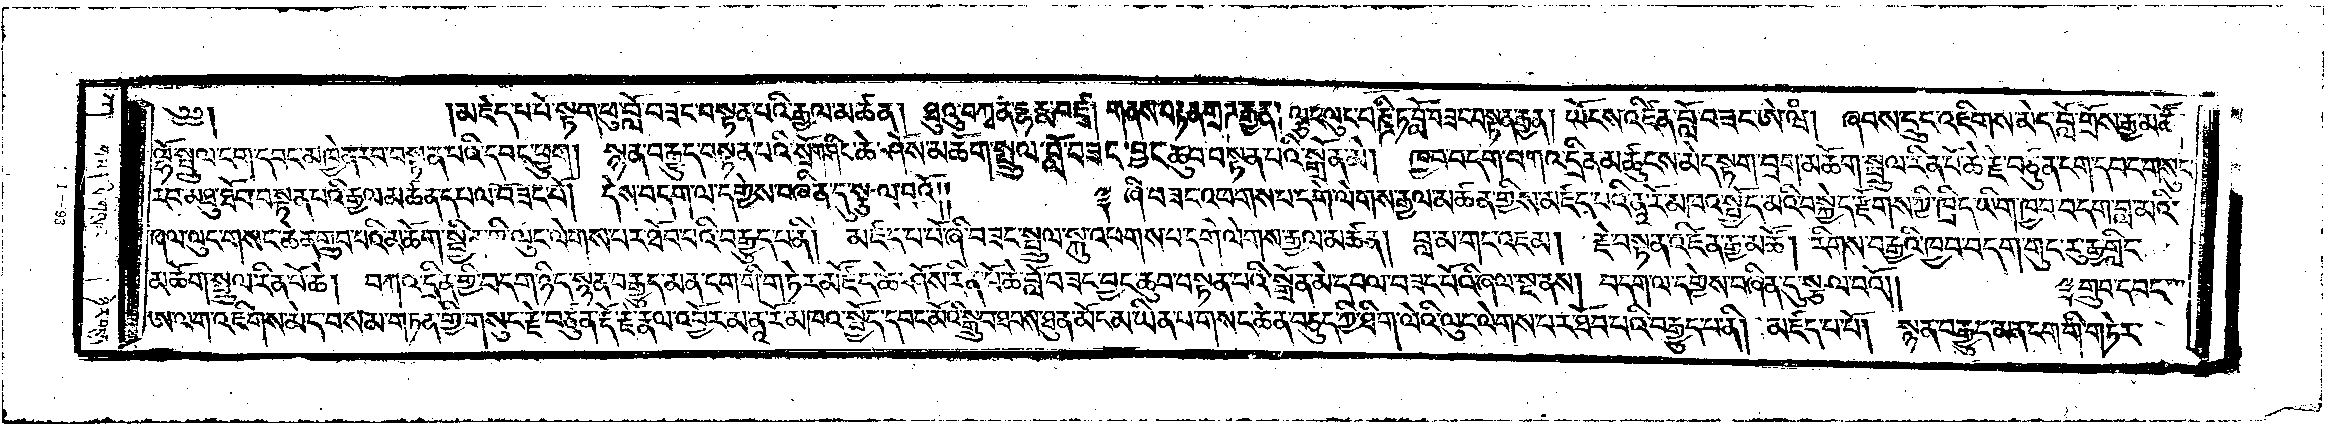༄༅། །མཛད་པ་པོ་སྟག་ཕུ་བློ་བཟང་བསྟན་པའི་རྒྱལ་མཚན། ཐུའུ་བཀྭན་དྷརྨ་བཛྲ། གནས་བརྟན་གྲཌ་རྒྱན། ལྕང་ལུང་པཎྜི་ཏ་བློ་བཟང་བསྟན་རྒྱན། ཡོངས་འཛིན་བློ་བཟང་ཨེ་ཝཾ། ཞབས་དྲུང་འཇིགས་མེད་བློ་གྲོས་རྒྱ་མཚོ་
ལྷོ་སྤྲུལ་ངག་དབང་མཁྱེན་རབ་བསྟན་པའི་དབང་ཕྱུག། སྙན་བརྒྱུད་བསྟན་པའི་སྲོག་ཞིང་ཆེ་ཤོས་མཆོག་སྤྲུལ་བློ་བཟང་བྱང་ཆུབ་བསྟན་པའི་སྒྲོན་མེ། ཁྱབ་བདག་བཀའ་དྲིན་མཚུངས་མེད་སྟག་བྲག་མཆོག་སྤྲུལ་རིན་པོ་ཆེ་རྗེ་བཙུན་ངག་དབང་གསུང་
རབ་མཐུ་ཐོབ་བསྟན་པའི་རྒྱལ་མཚན་དཔལ་བློ་བཟང་པོ། དེས་བདག་ལ་དགྱེས་བཞིན་དུ་སྩལ་བའོ།། འ་ཞི་བཟང་འཕགས་པ་དགེ་ལེགས་རྒྱལ་མཚན་གྱིས་མཛད་པའི་ནཱ་རོ་མཁའ་སྤྱོད་མའི་བསྐྱེད་རྫོགས་ཀྱི་ཁྲིད་ཡིག་ཁྱབ་བདག་བླ་མའི་
ཞལ་ལུང་གསང་ཆེན་གྲུབ་པའི་མཆོག་སྦྱིན་གྱི་ལུང་ལེགས་པར་ཐོབ་པའི་བརྒྱུད་པ་ནི། མཛད་པ་པོ་ཞི་བཟང་སྤྲུལ་སྐུ་འཕགས་པ་དགེ་ལེགས་རྒྱལ་མཚན། བླ་མ་གང་འཇམ། རྗེ་བསྟན་འཛིན་རྒྱ་མཚོ། རིགས་བརྒྱའི་ཁྱབ་བདག་གུང་རུ་རྒྱ་གླིང་
མཆོག་སྤྲུལ་རིན་པོ་ཆེ། བཀའ་དྲིན་གྱི་བདག་ཉིད་སྙན་བརྒྱུད་མན་ངག་གི་གཏེར་མཛོད་ཆེ་ཤོས་རིན་པོ་ཆེ་བློ་བཟང་བྱང་ཆུབ་བསྟན་པའི་སྒྲོན་མེ་དཔལ་བཟང་པའི་ཞལ་སྔ་ནས། བདག་ལ་དགྱེས་བཞིན་དུ་སྩལ་བའོ།། འ་གྲུབ་དབང་
ཨ་ལག་འཇིགས་མེད་བསམ་གཏན་གྱི་གསུང་རྗེ་བཙུན་རྡོ་རྗེ་རྣལ་འབྱོར་མ་ནཱ་རོ་མཁའ་སྤྱོད་དབང་མོའི་སྒྲུབ་ཐབས་ཐུན་མོང་མ་ཡིན་པ་གསང་ཆེན་བཅུད་ཀྱི་ཐིག་ལེའི་ལུང་ལེགས་པར་ཐོབ་པའི་བརྒྱུད་པ་ནི། མཛད་པ་པོ། སྙན་བརྒྱུད་མན་ངག་གི་གཏེར་